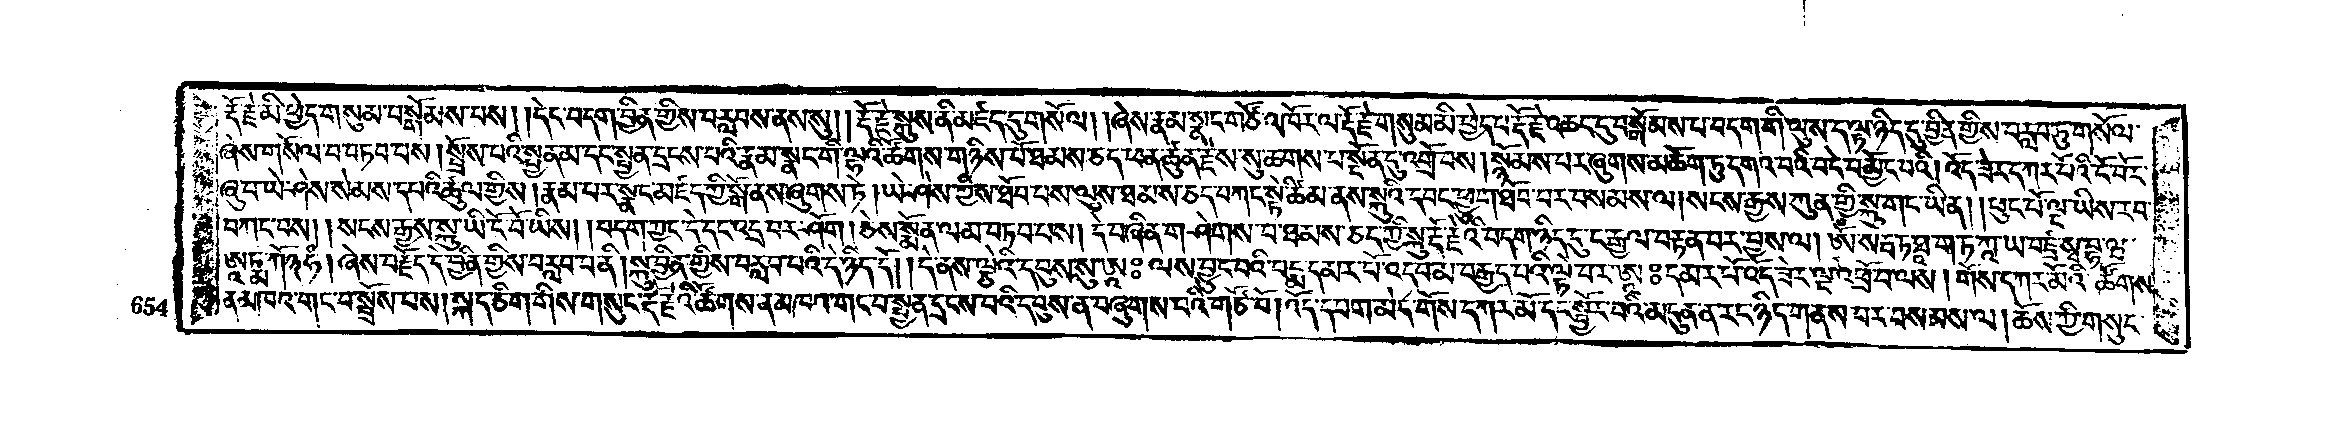རྡོ་རྗེ་མི་ཕྱེད་གསུམ་བསྒོམས་པས། །དེང་བདག་བྱིན་གྱིས་བརླབས་ནས་སུ། །རྡོ་རྗེ་སྐུས་ནི་མཛད་དུ་གསོལ། །ཞེས་རྣམ་སྣང་གཙོ་འཁོར་ལ་རྡོ་རྗེ་གསུམ་མི་ཕྱེད་པ་རྡོ་རྗེ་འཆང་དུ་བསྒོམས་པ་བདག་གི་ལུས་ད་ལྟ་ཉིད་དུ་བྱིན་གྱིས་བརླབ་ཏུ་གསོལ་
ཞེས་གསོལ་བ་བཏབ་པས། སྤྲོས་པའི་སྤྱན་མ་དང་སྤྱན་དྲངས་པའི་རྣམ་སྣང་གི་ལྷའི་ཚོགས་གཉིས་པོ་ཐམས་ཅད་ཕན་ཚུན་རྗེས་སུ་ཆགས་པ་སྔོན་དུ་འགྲོ་བས། སྙོམས་པར་ཞུགས་མཆོག་ཏུ་དགའ་བའི་བདེ་བ་མྱོང་བའི། འོད་ཟེར་དཀར་པོའི་ངོ་བོར་
ཞུ་བ་ཡེ་ཤེས་སེམས་དཔའི་ཚུལ་གྱིས། རྣམ་པར་སྣང་མཛད་ཀྱི་སྒོ་ནས་ཞུགས་ཏེ། ཡེ་ཤེས་ཀྱི་ས་ཐོབ་པས་ལུས་ཐམས་ཅད་བཀང་སྟེ་ཚིམ་ནས་སྐུའི་དབང་ཕྱུག་ཐོབ་པར་བསམས་ལ། སངས་རྒྱས་ཀུན་གྱི་སྐུ་གང་ཡིན། །ཕུང་པོ་ལྔ་ཡིས་རབ་
བཀང་བས། །སངས་རྒྱས་སྐུ་ཡི་ངོ་བོ་ཡིས། །བདག་ཀྱང་དེ་དང་འདྲ་བར་ཤོག །ཅེས་སྨོན་ལམ་བཏབ་པས། དེ་བཞིན་གཤེགས་པ་ཐམས་ཅད་ཀྱི་སྐུ་རྡོ་རྗེའི་བདག་ཉིད་དུ་ང་རྒྱལ་བརྟན་པར་བྱས་ལ། ཨོཾ་སརྦ་ཏ་ཐཱ་ག་ཏ་ཀཱ་ཡ་བཛྲ་སྭ་བྷཱ་ཝ་
ཨཱཏྨ་ཀོཉ་ཧཾ། ཞེས་བརྗོད་དེ་བྱིན་གྱིས་བརླབ་པ་ནི། སྐུ་བྱིན་གྱིས་བརླབ་པའི་དེ་ཉིད་དོ། །དེ་ནས་ལྕེའི་དབུས་སུ་ཨཱཿ ལས་བྱུང་བའི་པདམ་དམར་པོ་འདབ་མ་བརྒྱད་པའི་ལྟེ་བར་ཨཱཿ དམར་པོ་འོད་ཟེར་ང་འཕྲོ་བ་ལས། གོས་དཀར་མོའི་ཚོགས་
ནམ་མཁའ་གང་བ་སྤྲོས་པས། སྐད་ཅིག་གིས་གསུང་རྡོ་རྗེའི་ཚོགས་ནམ་མཁའ་གང་བ་སྤྱན་དྲངས་པའི་དབུས་ན་བཞུགས་པའི་གཙོ་བོ། འོད་དཔག་མེད་གོས་དཀར་མོ་དང་སྦྱོར་བའི་མདུན་ན་རང་ཉིད་གནས་པར་བསམས་ལ། ཆོས་ཀྱི་གསུང་